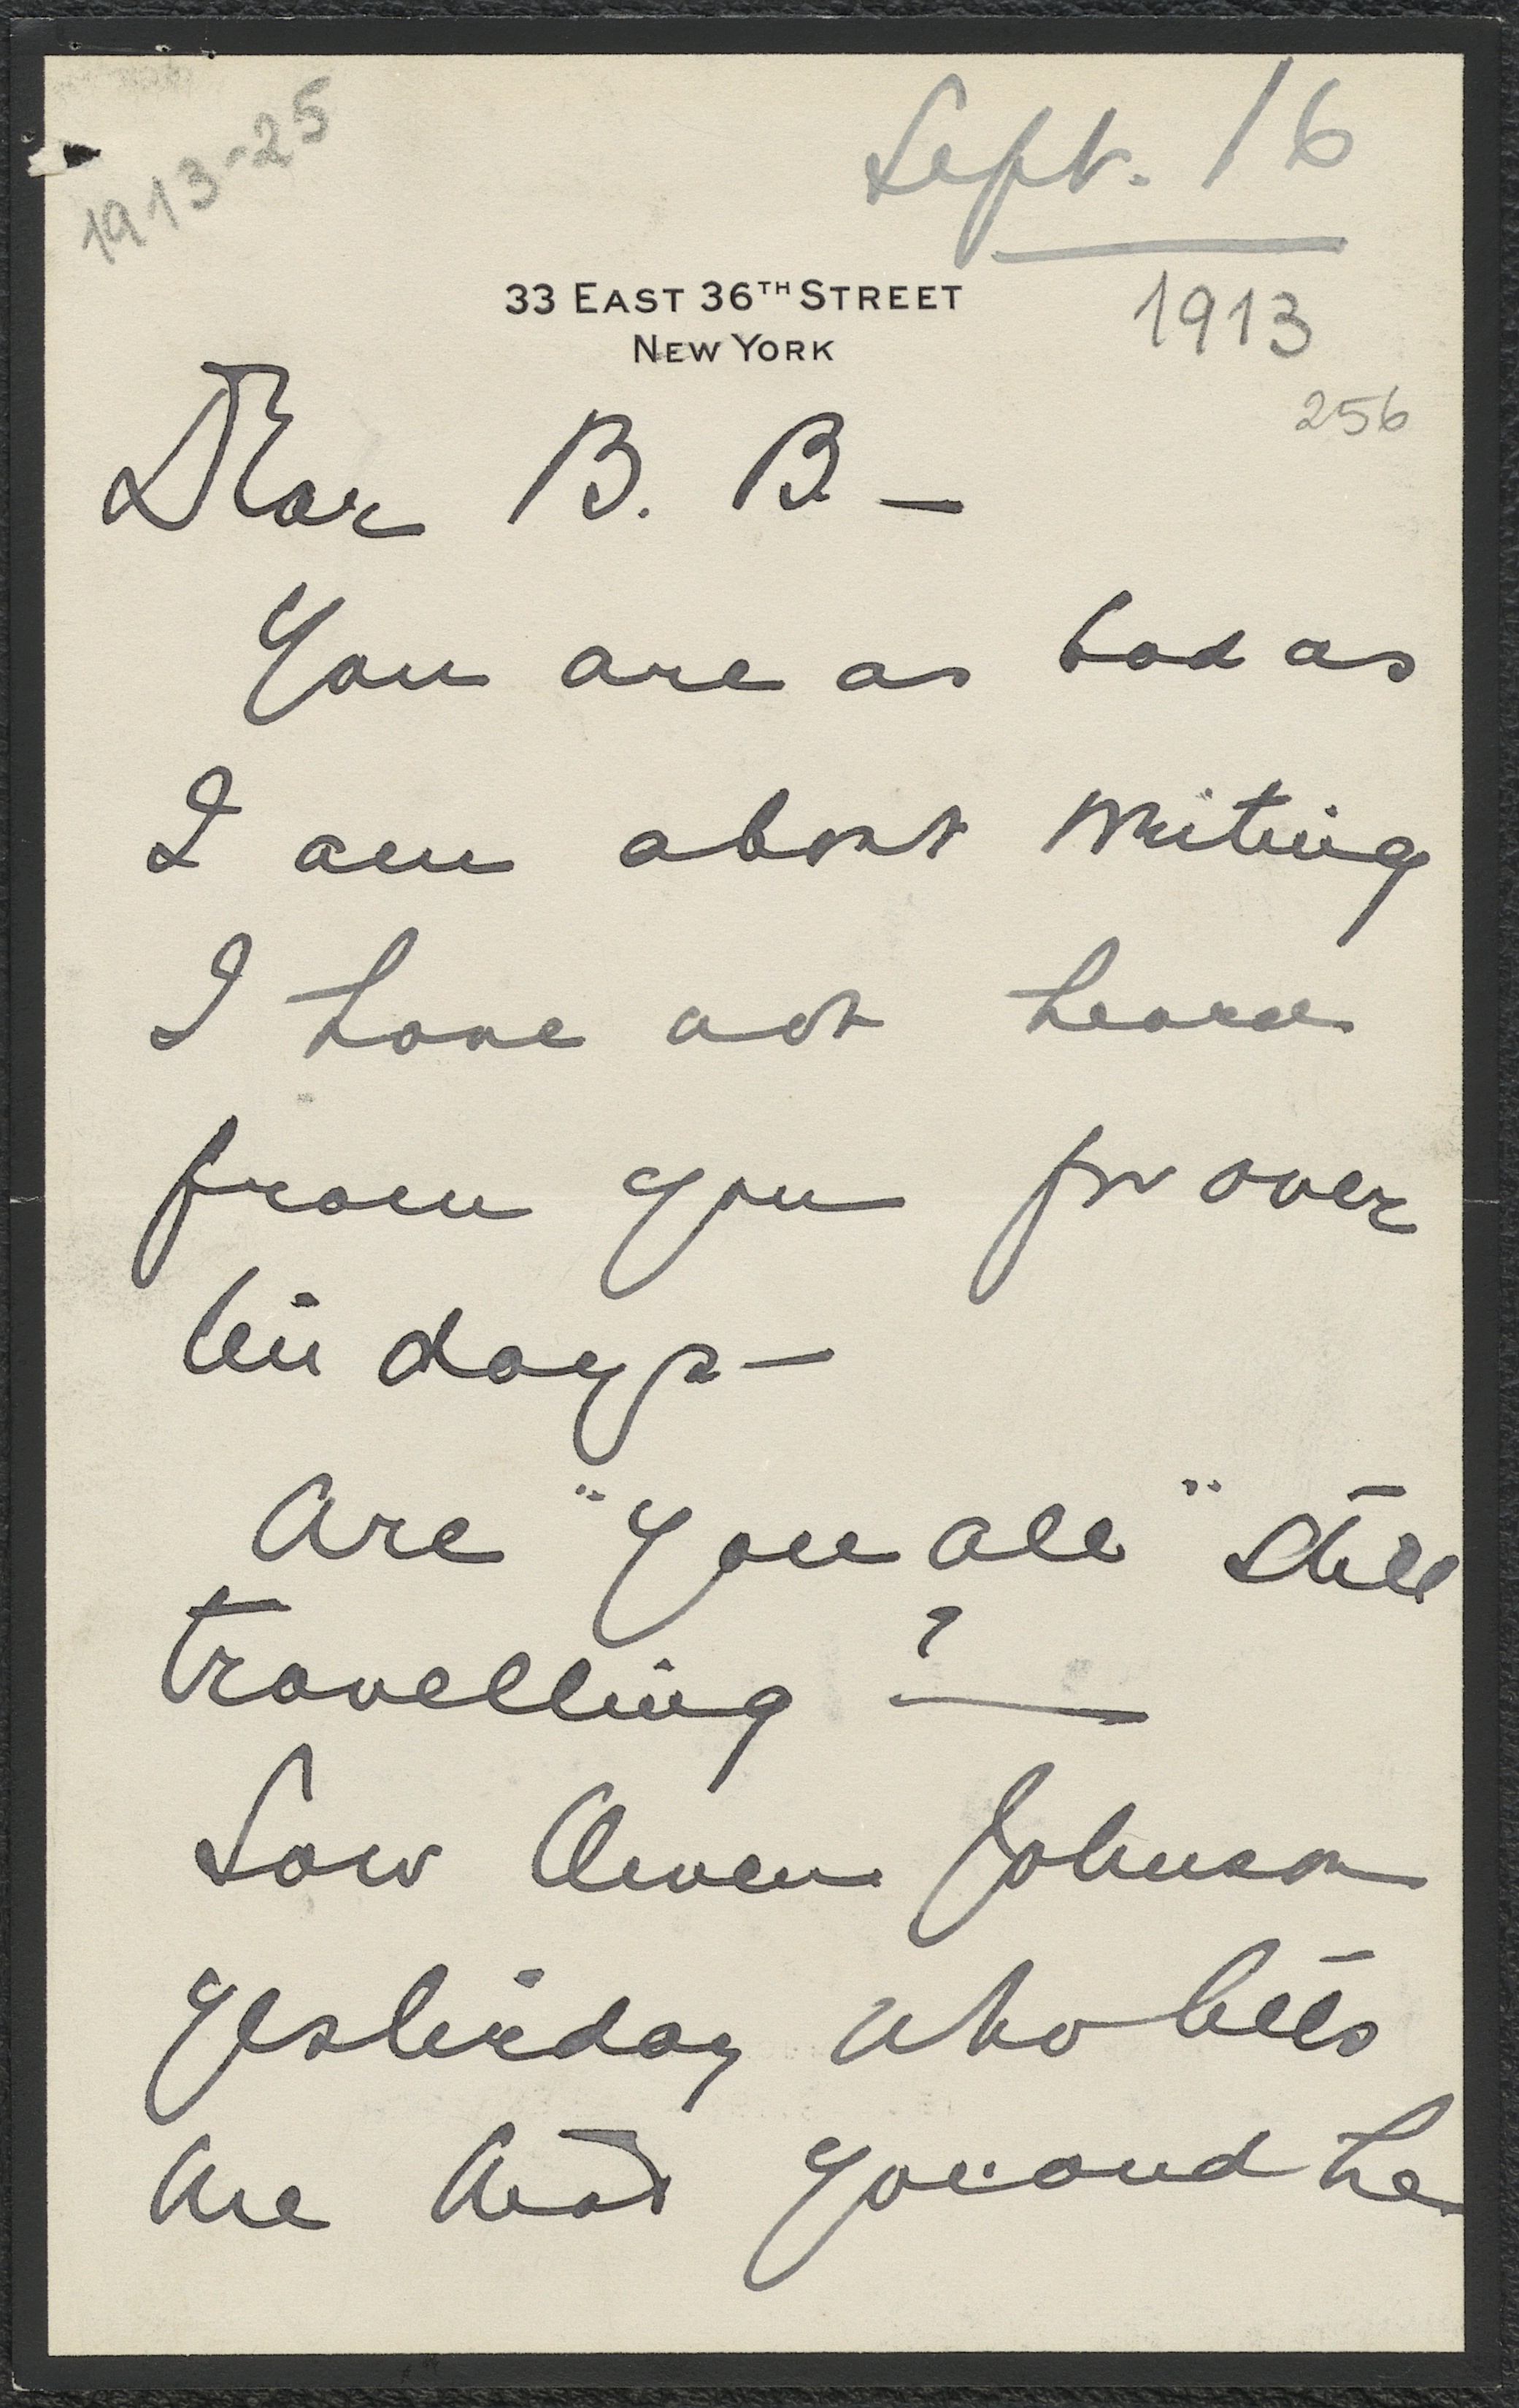Sept. 16
Dear B. B. –
You are as bad as I am about writing I have not heard from you for over ten days –
Are “you all” still travelling? –
Saw Owen Johnson yesterday who tells me that you and he